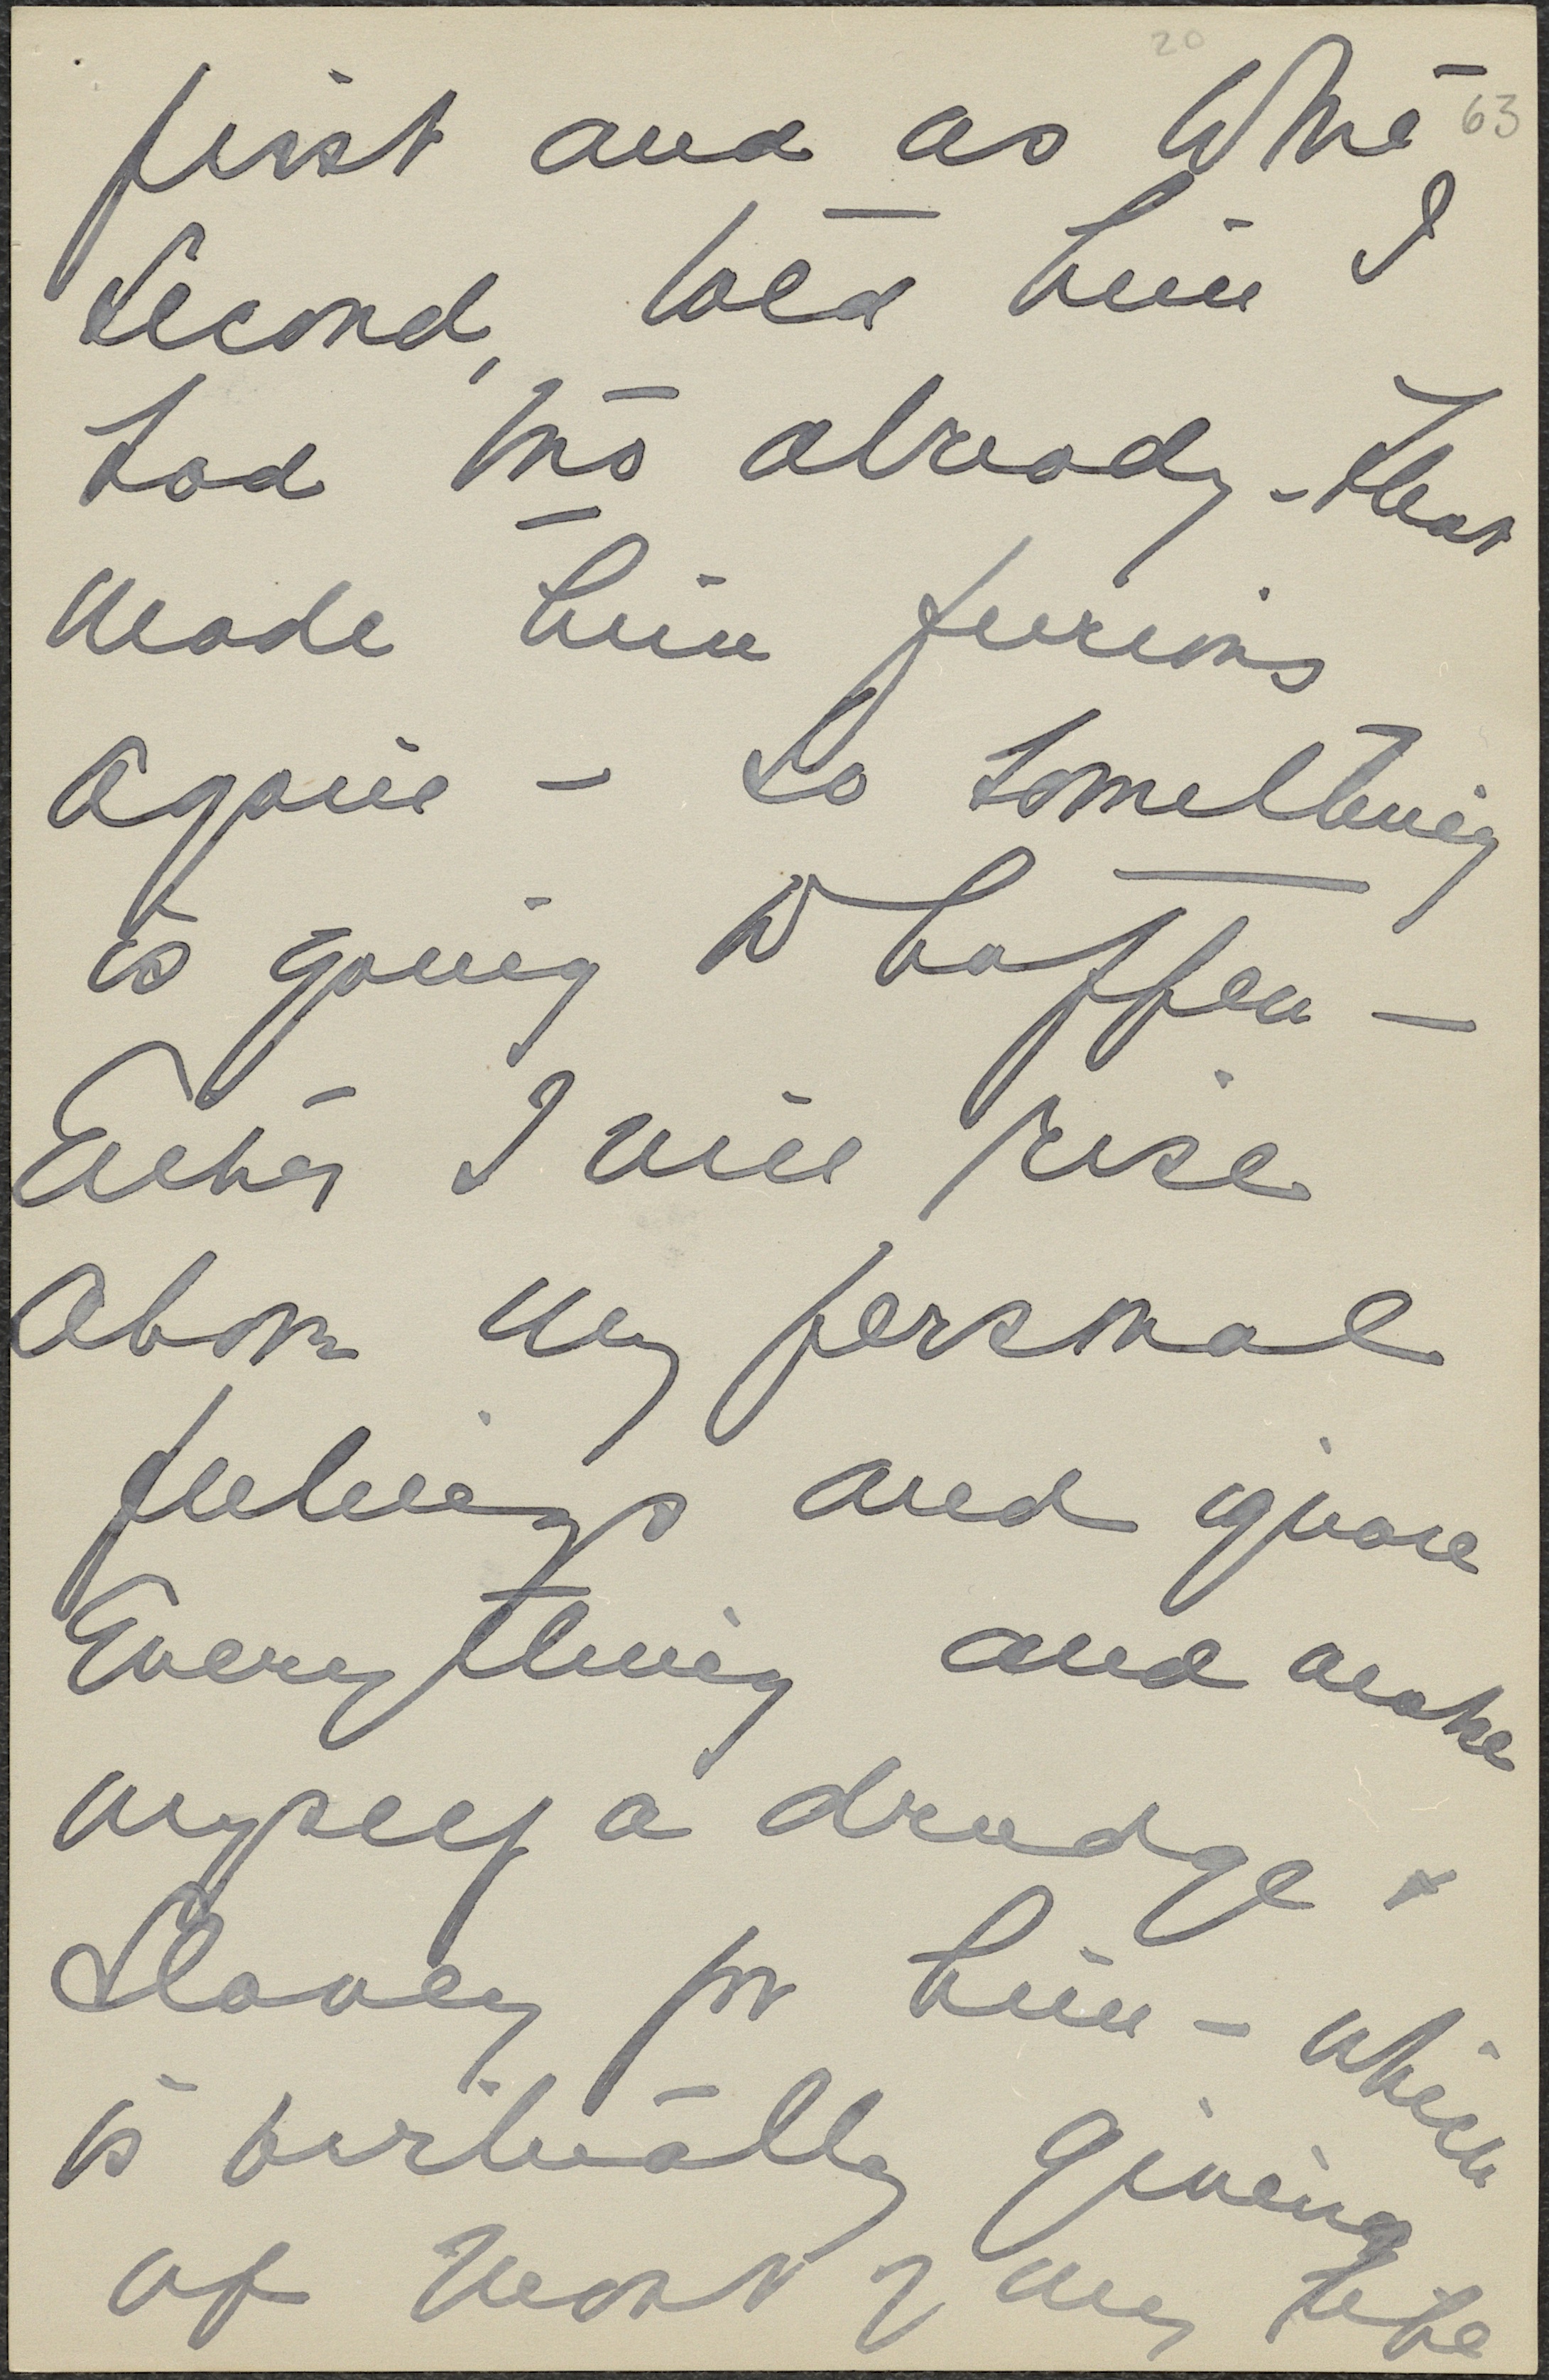first and as to the second, told him had two already – that made him furious again – so something is going to happen – Either I will rise above my personal feelings and ignore everything and make myself a drudge & slavey for him – which is virtually giving up most of my life